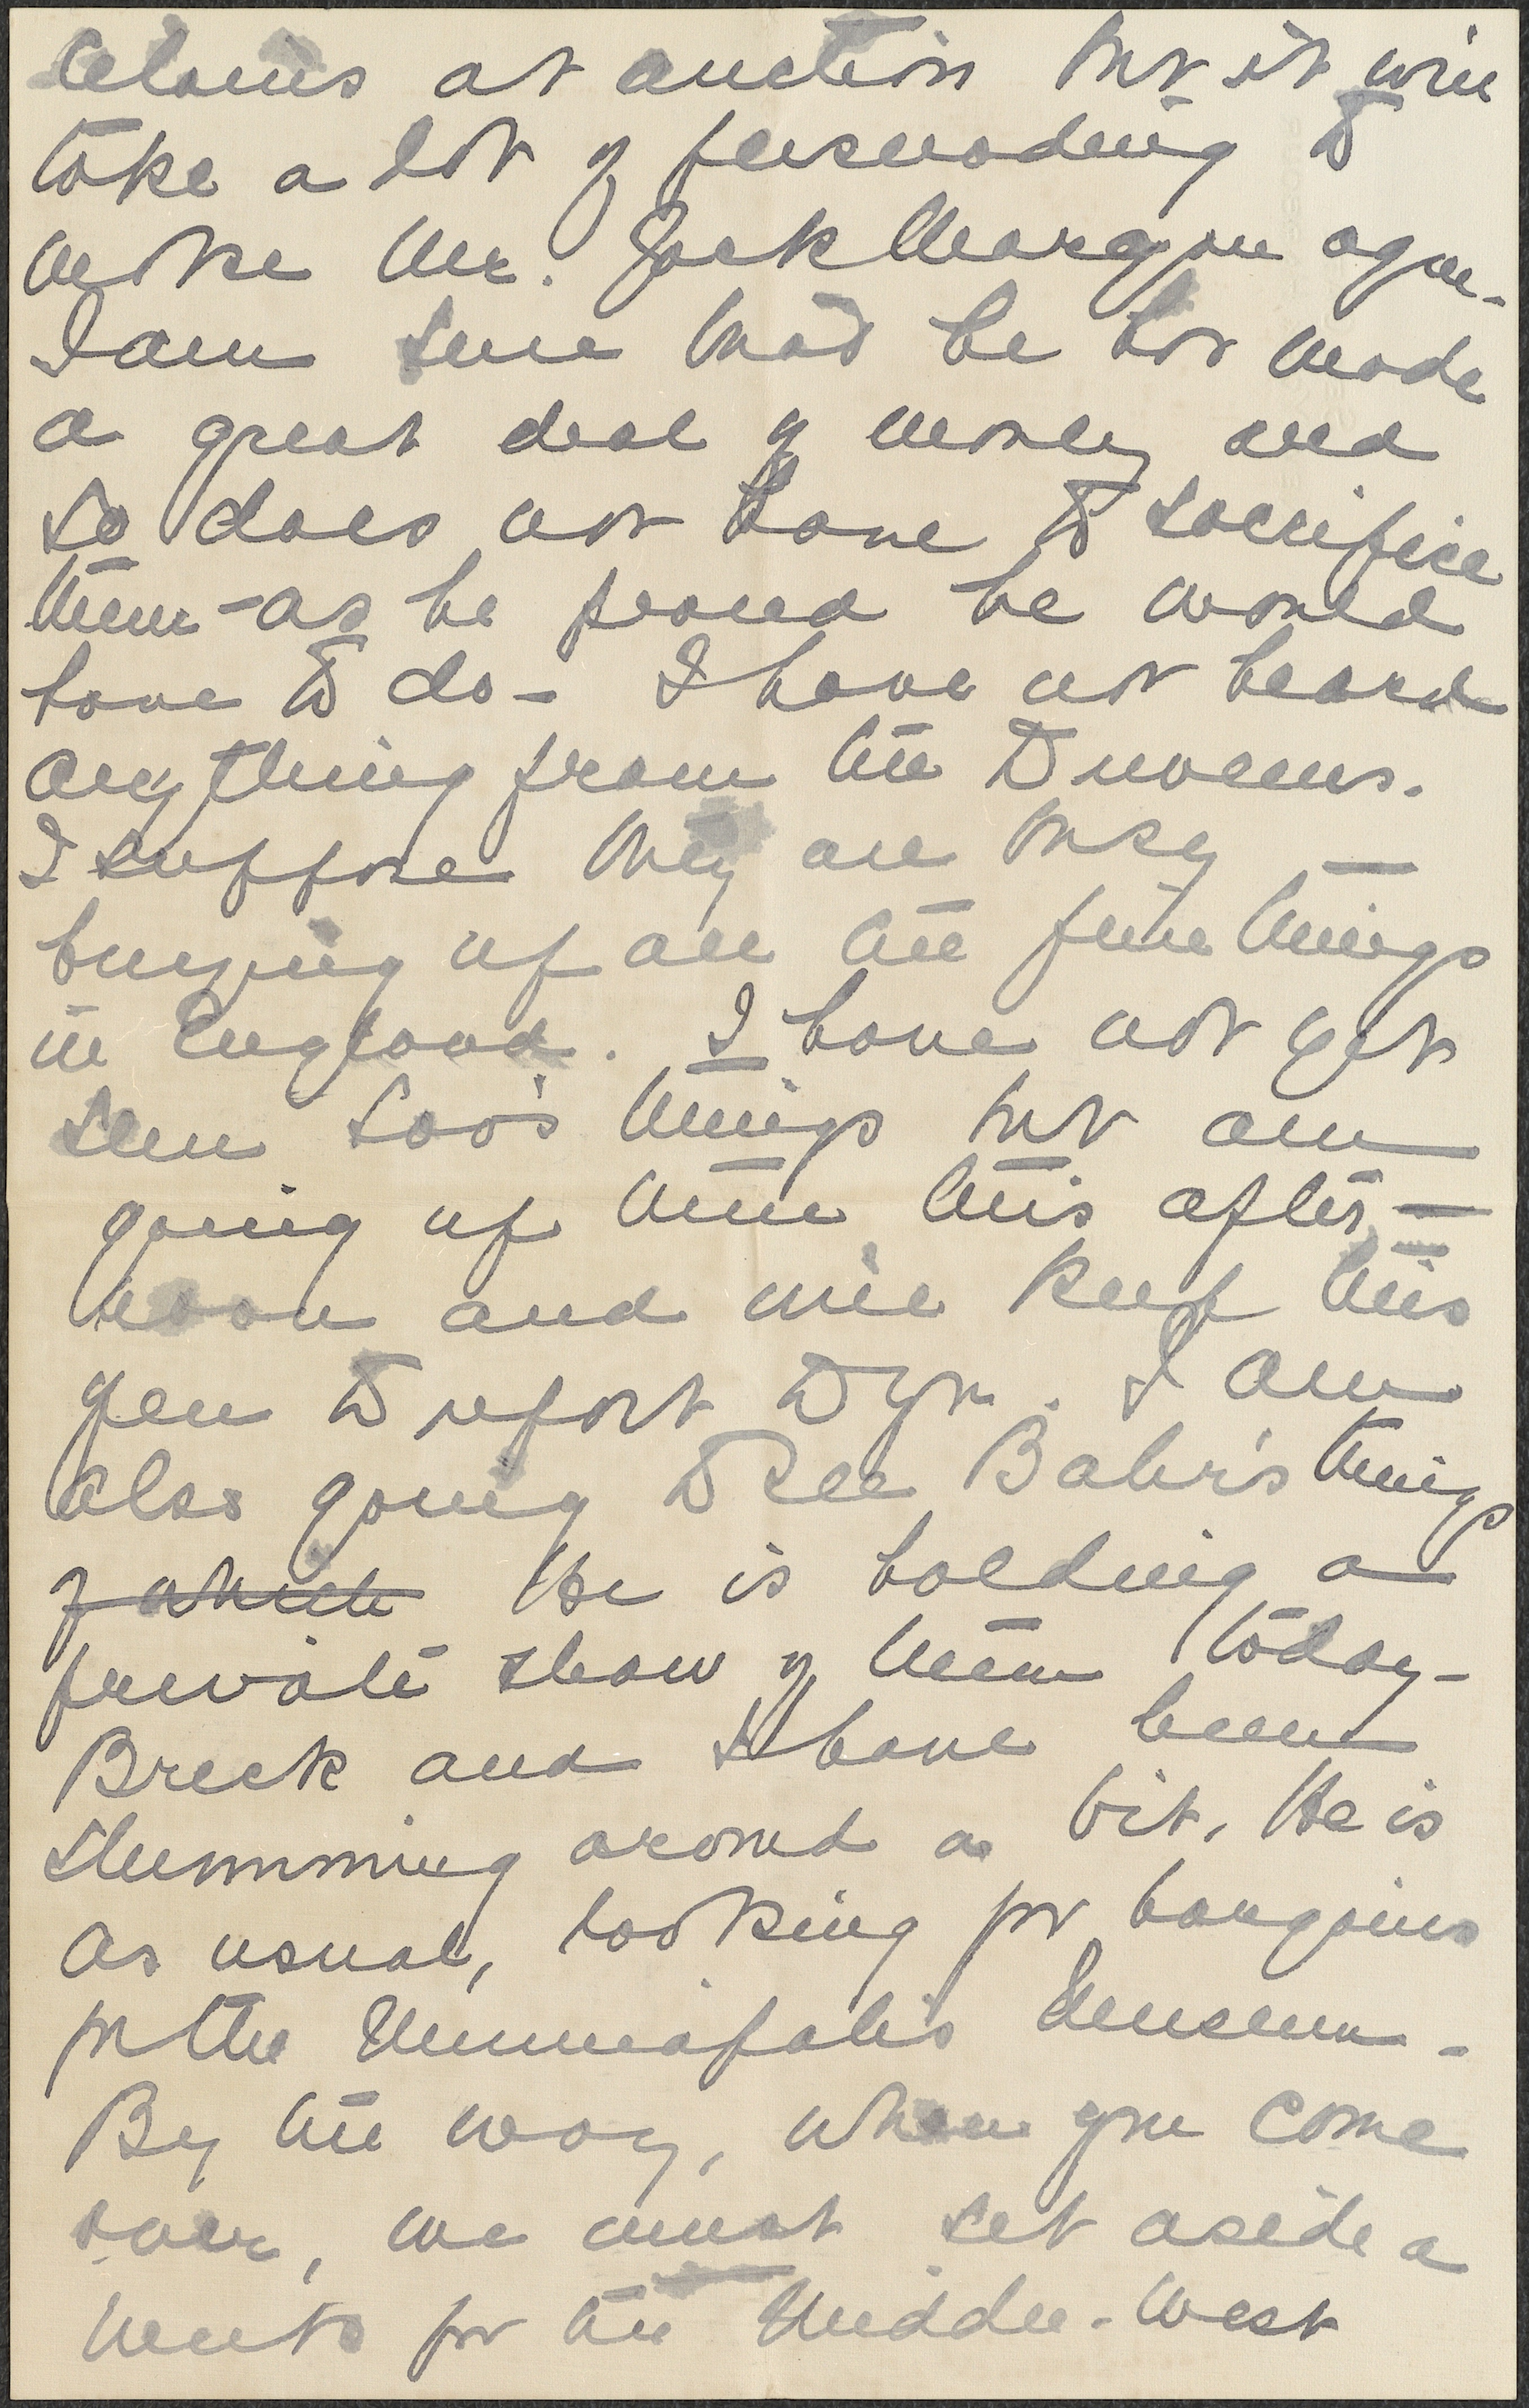porcelains at auction but it will take a lot of persuading to make Mr. Jack Morgan agree. I am sure that he has made a great deal of money and so does not have to sacrifice them – as he feared he would have to do – I have not heard anything from the Duveens. I suppose they are busy buying up all the fine things in England. I have not yet seen Loo's things but am going up there this afternoon and will keep this open to report to you. I am also going to see Bahr's things of which He is holding a private show of them today – Breck and I have been slumming around a bit. He is as usual, looking for bargains for the Minneapolis Museum – By the way, when you come over, we must set aside a week for the Middle-West